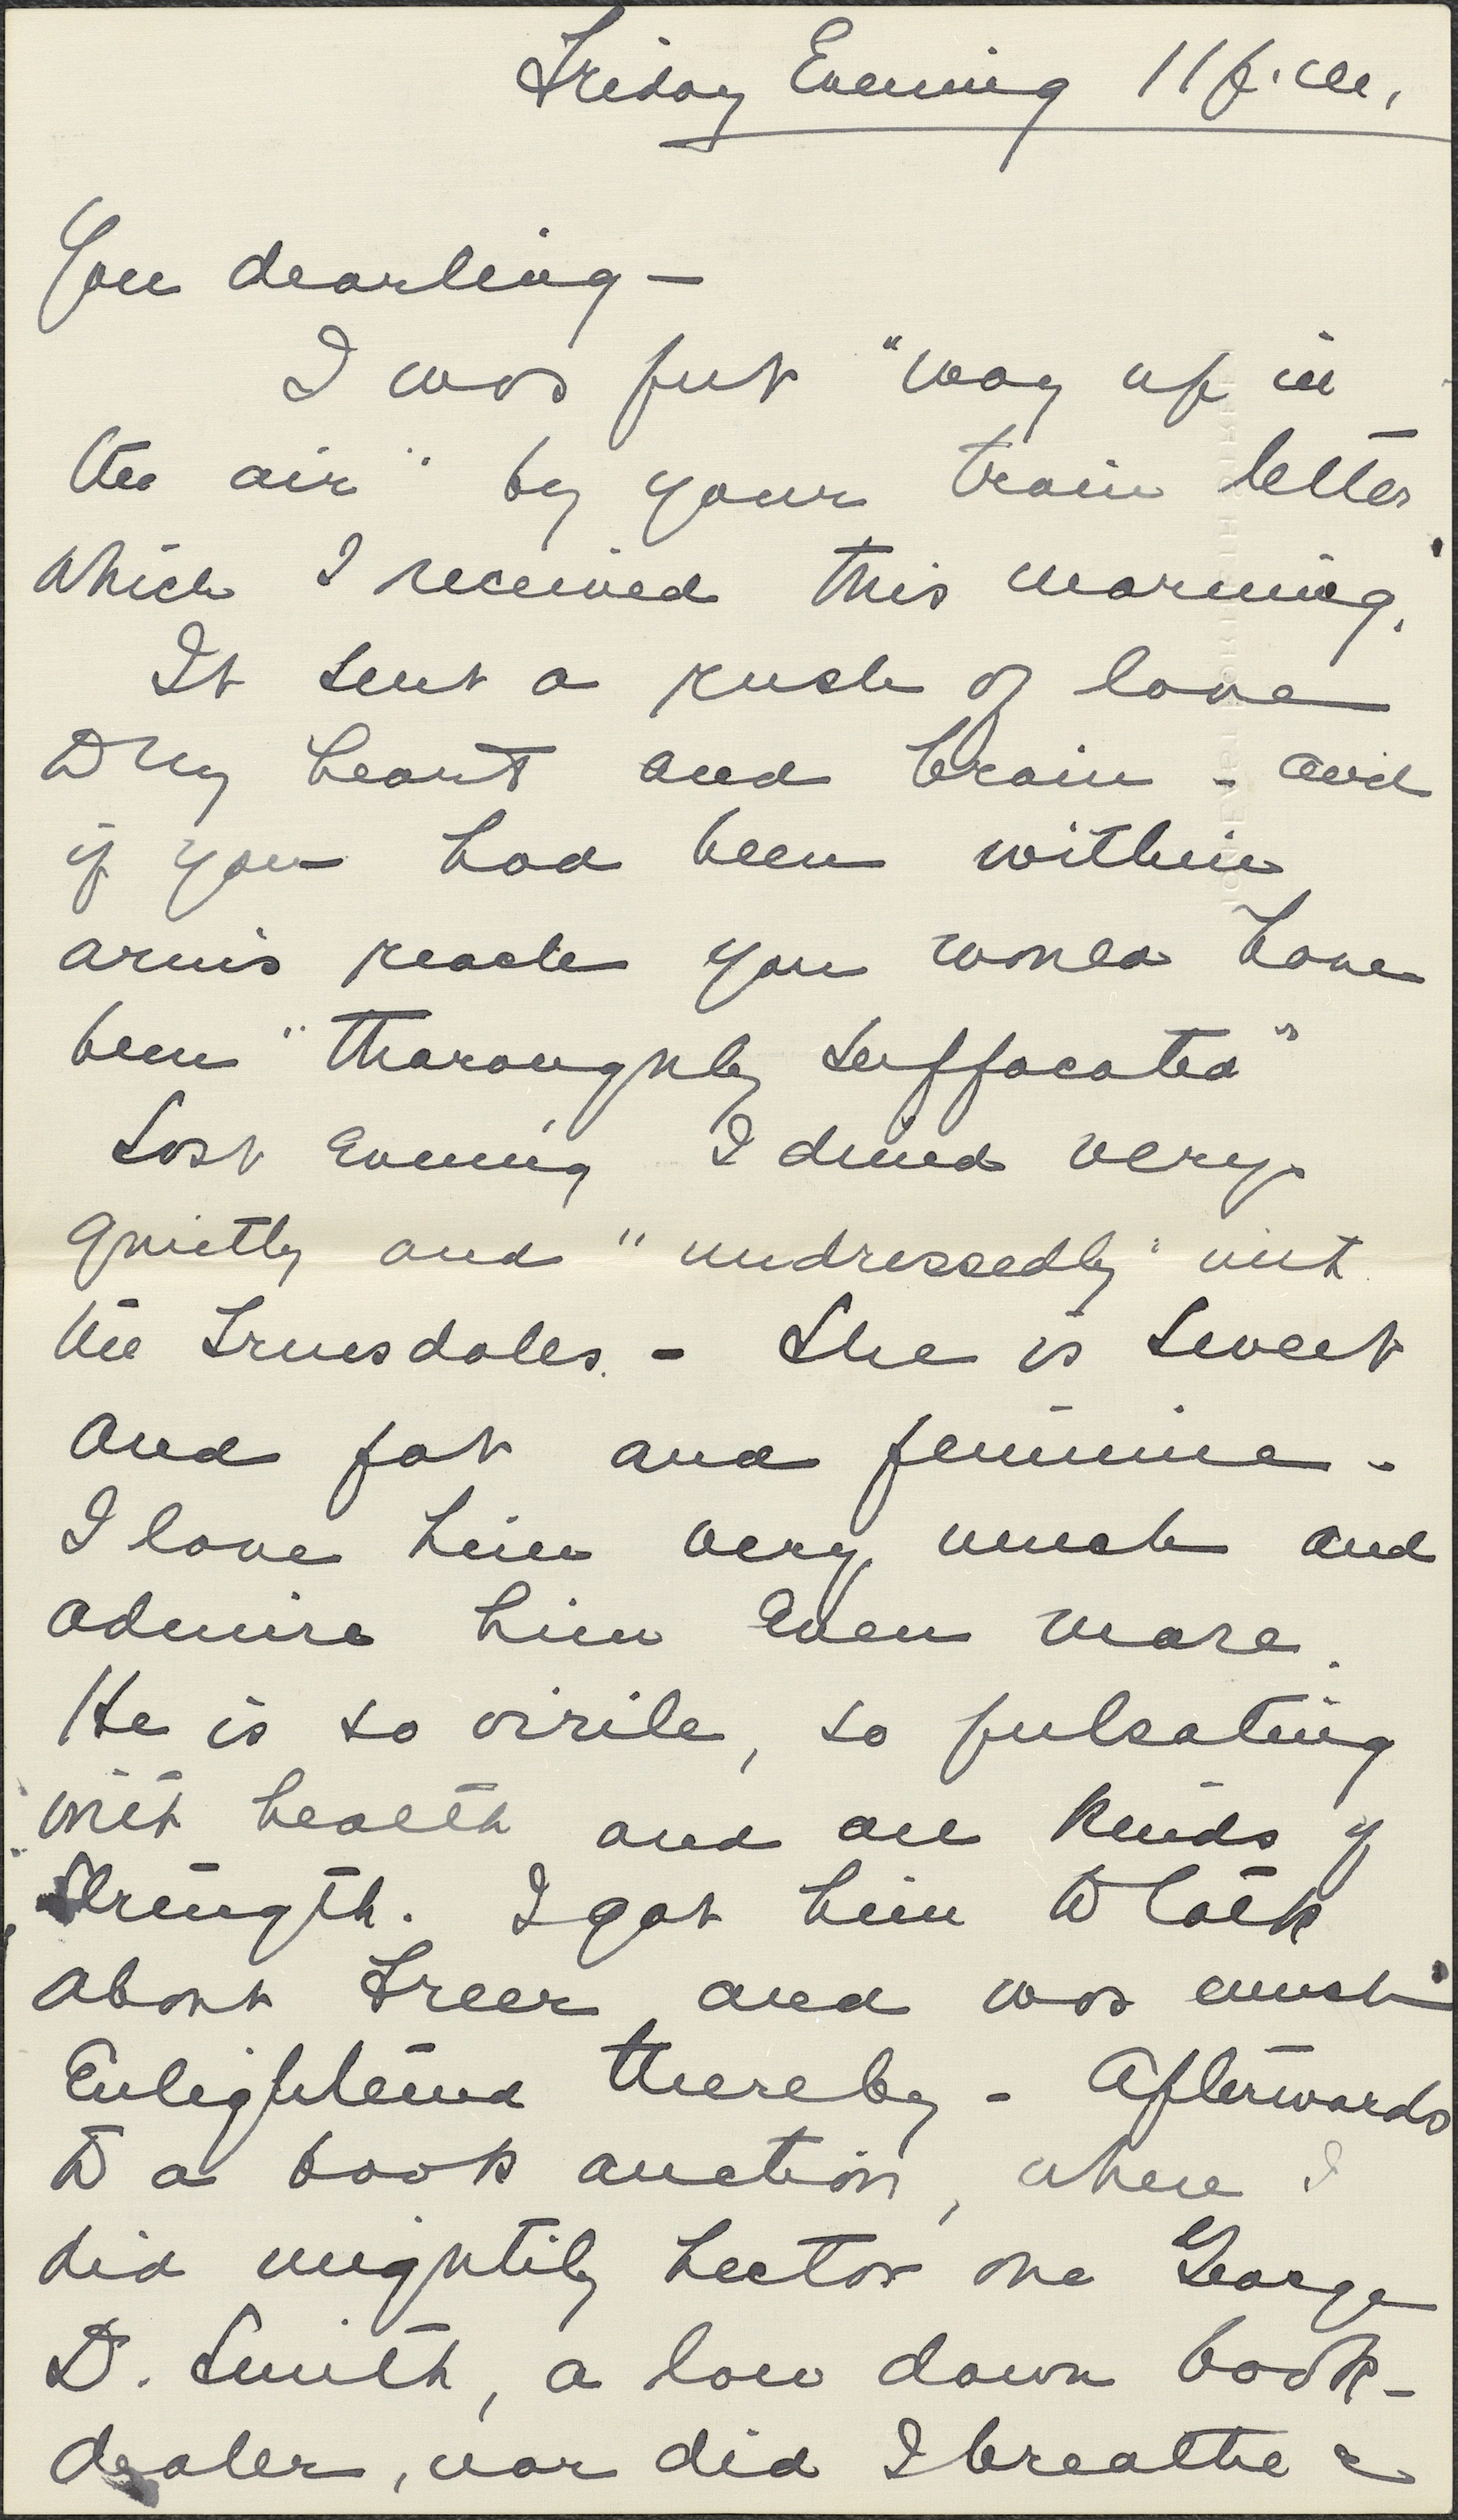Friday Evening 11 p.m.
You dearling –
I was put “way up in the air” by your train letter which I received this morning.
It sent a rush of love to my heart and brain – and if you had been within arm’s reach you would have been“thoroughly suffocated”
Last evening I dined very quietly and “undressedly” with the Truesdales – She is sweet and fat and feminine – I love him very much and admire him even more. He is so virile, so pulsating with health and all kinds of strength. I got him to talk about Freer and was much enlightened thereby – Afterwards to a book auction, where I did mightily hector one George D. Smith, a low down book-dealer, nor did I breathe a